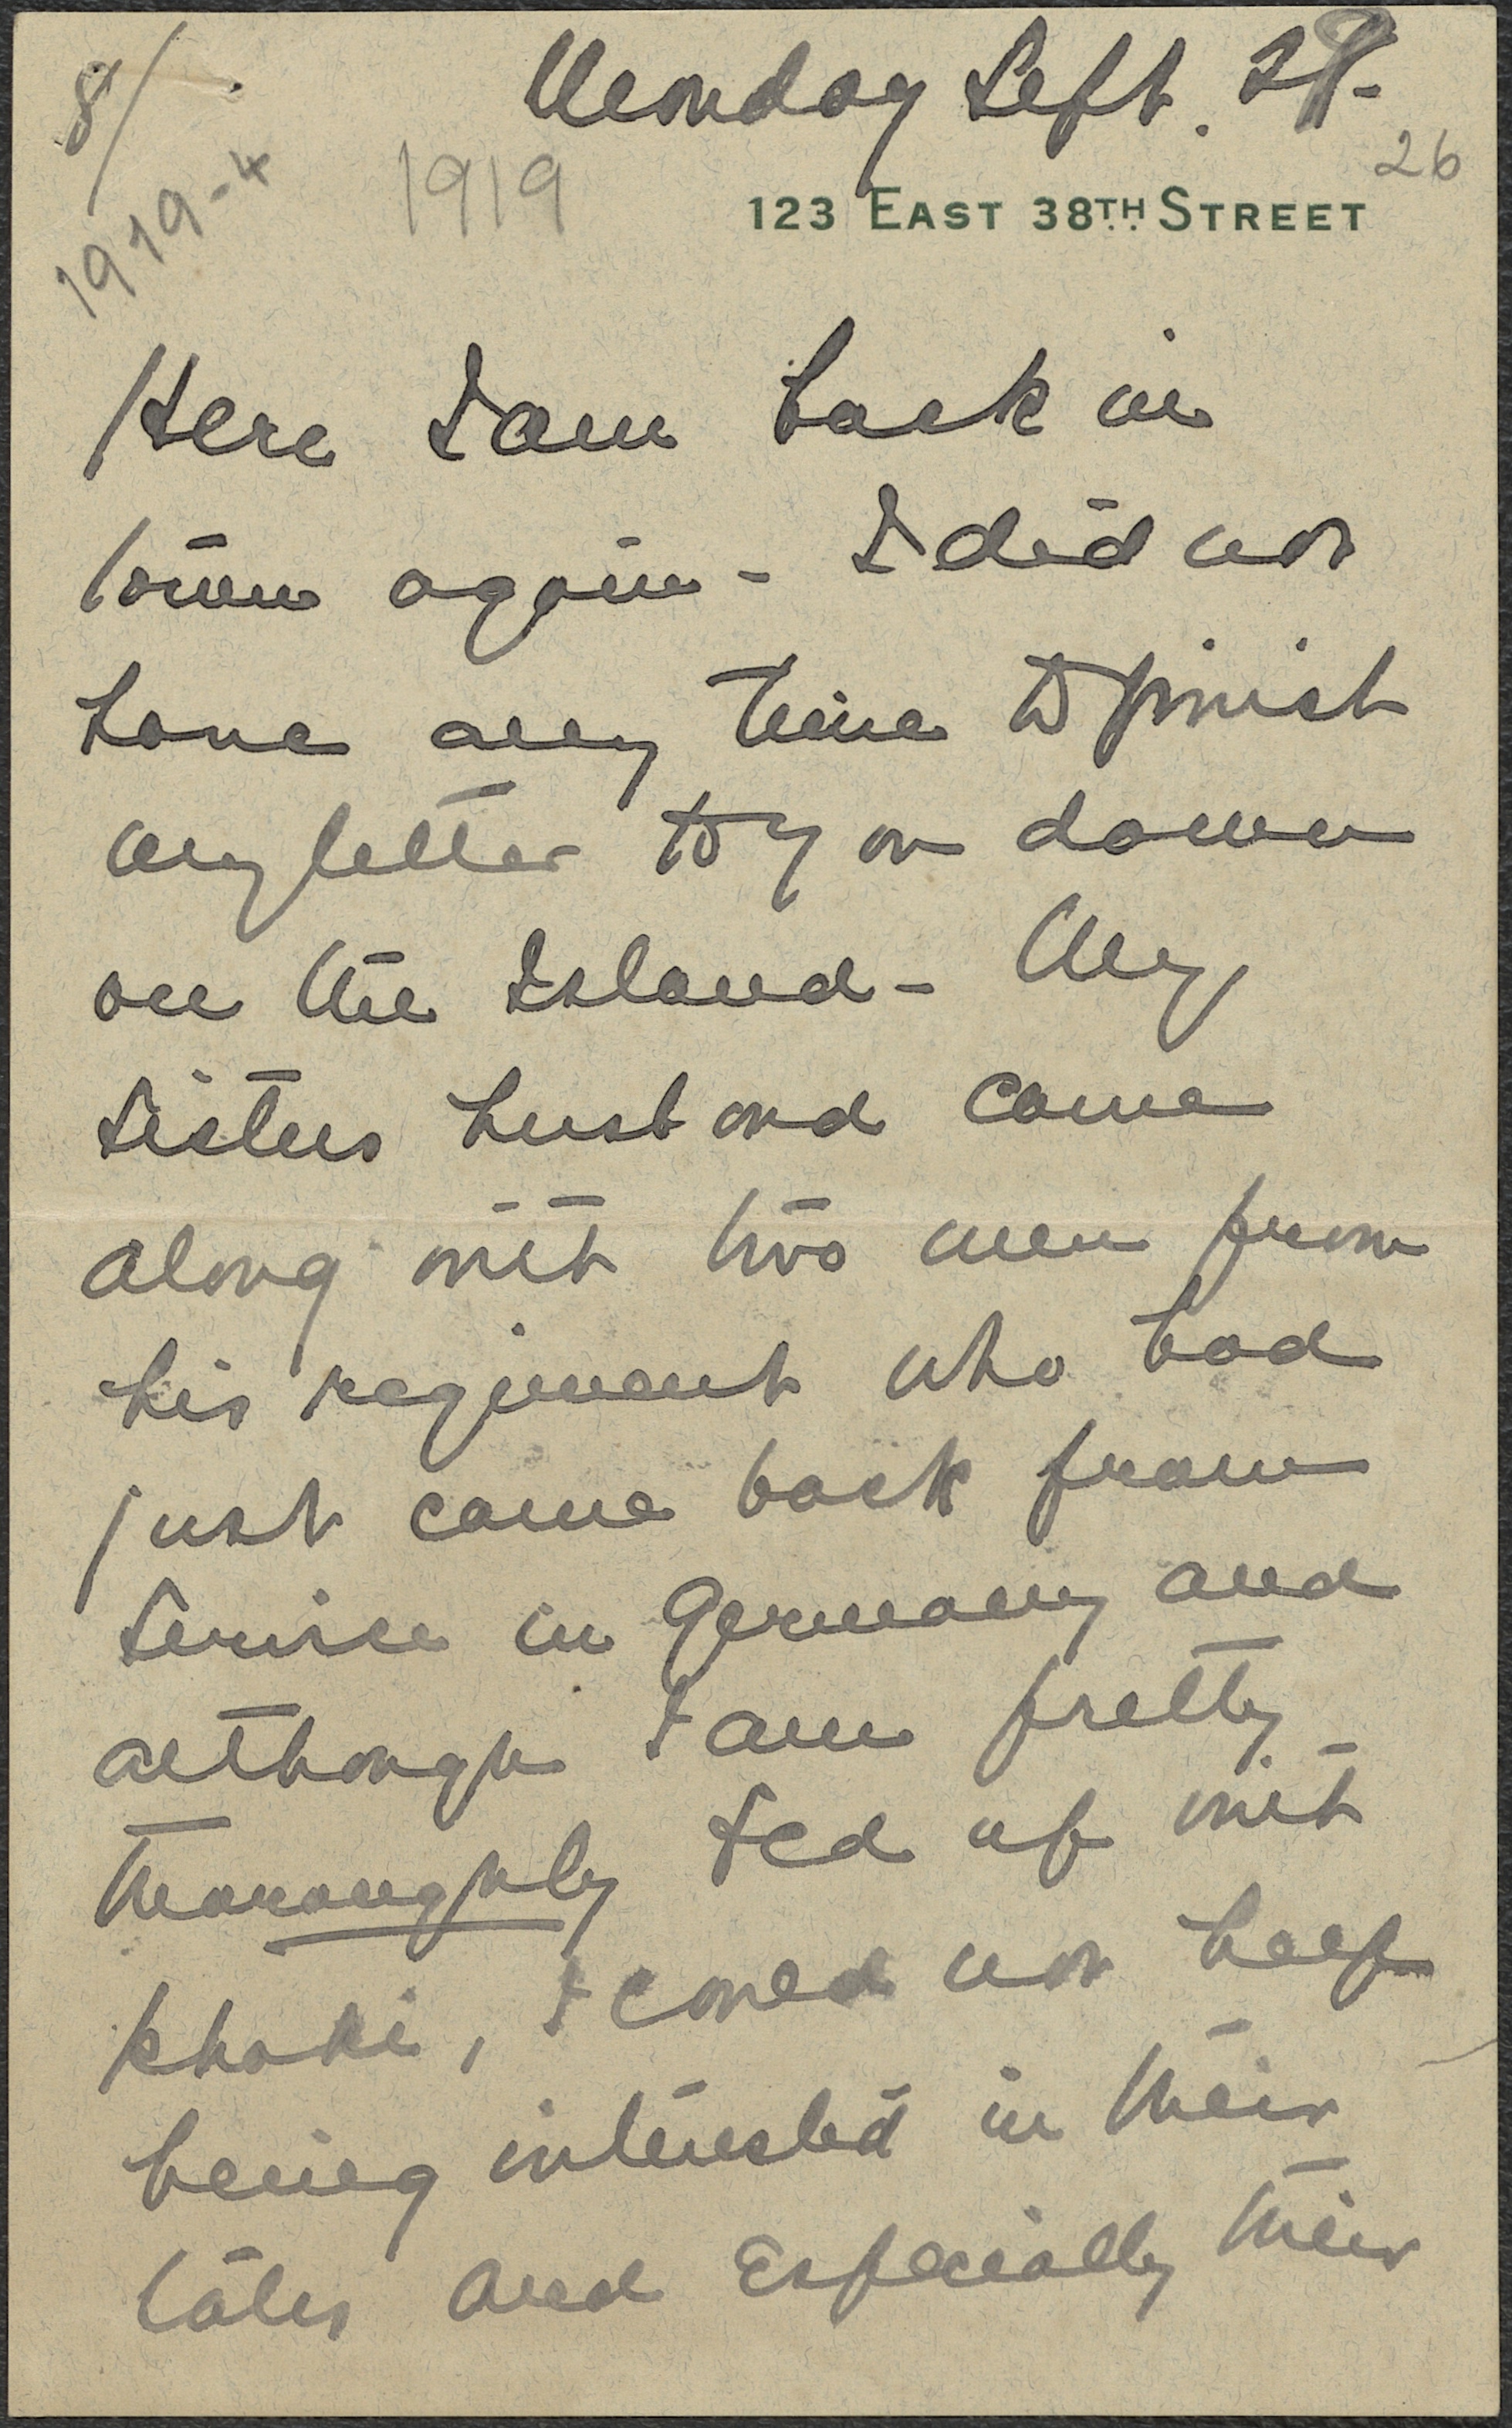Monday Sept. 29 –
Here I am back in town again – I did not have any time to finish my letter to you down on the Island– My sisters husband came along with two men from his regiment who had just came back from service in Germany and thoroughly fed up with khaki, I could not help being interesting in their tales and especially their